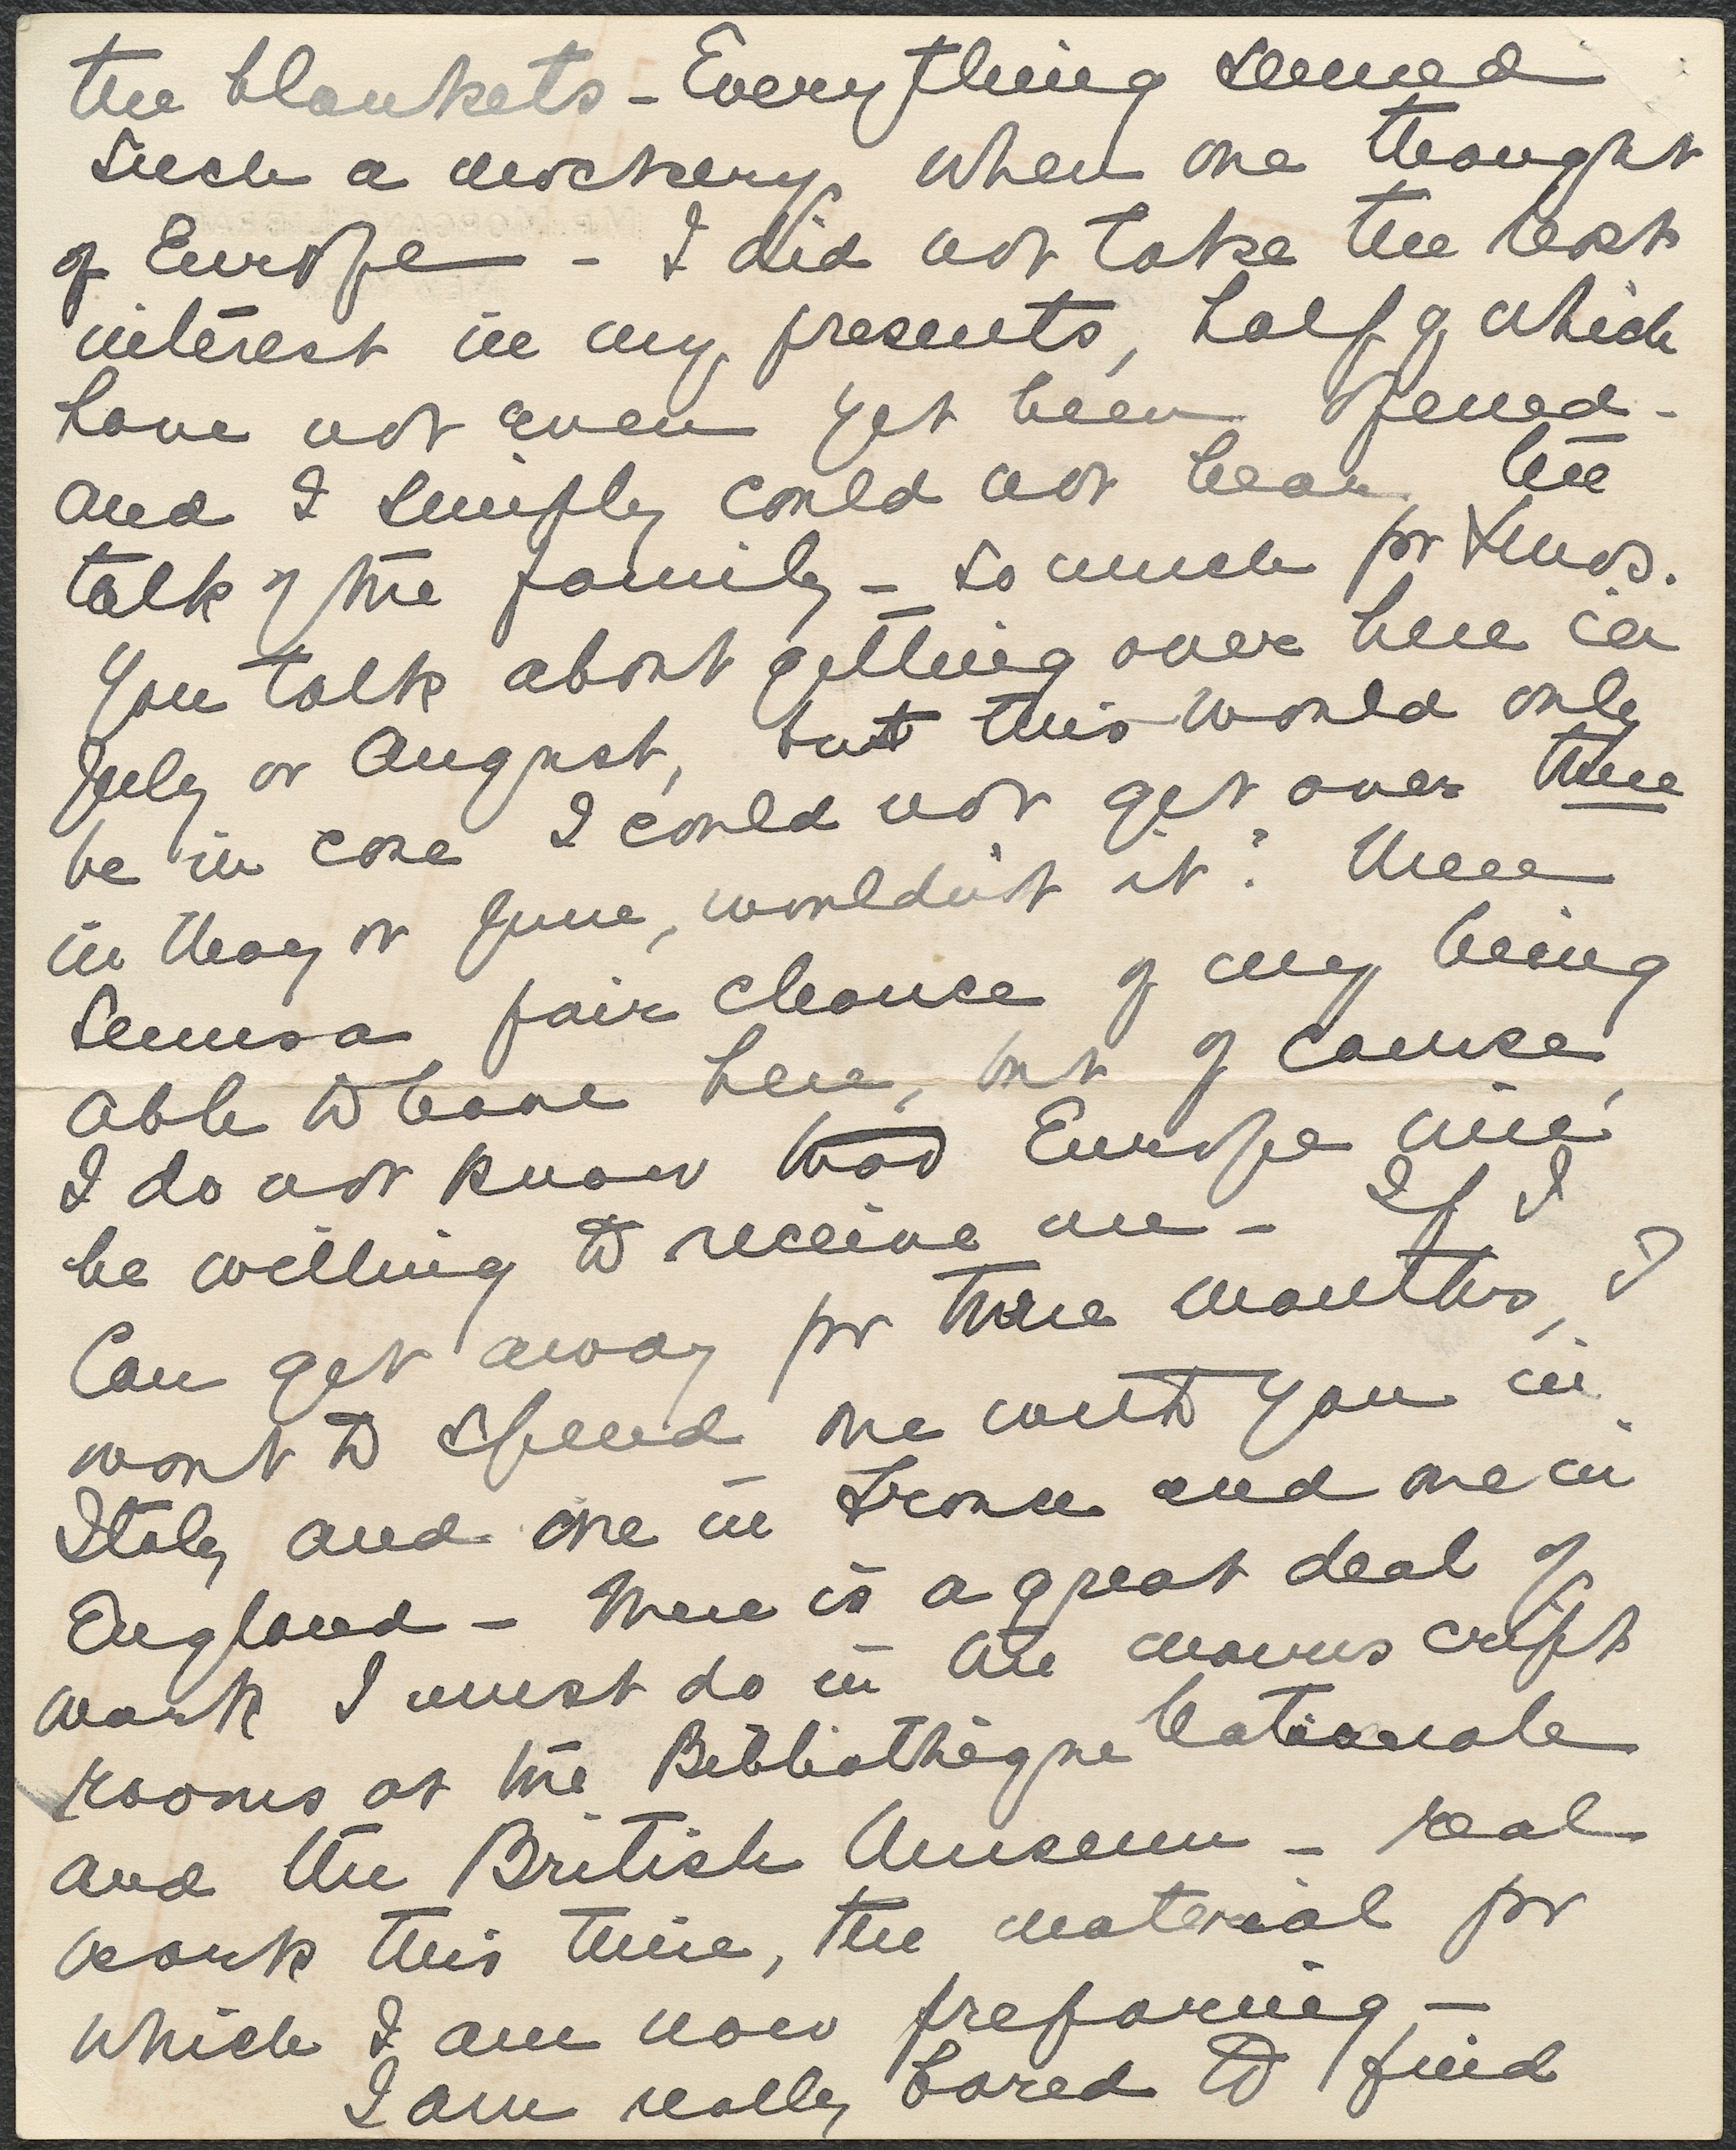the blankets – Everything seemed such a mockery when one thought of Europe – I did not take the least interest in my presents, half of which have not ever yet been opened – And I simply could not hear the talk of the family – so much for Xmas.
You talk about getting over here in July or August, but this would only be in case I could not get over there in May or June, wouldn’t it? There seems a fair chance of my being able to leave here, but of course I do not know how Europe will be willing to receive me – If I can get away for those months, I want to spend one with you in Italy and one in France and one in England – There is a great deal of work I must do in the manuscript rooms at the Bibliothèque Nationale and The British Museum – real work this time, the material for which I am now preparing –
I am really bored to find